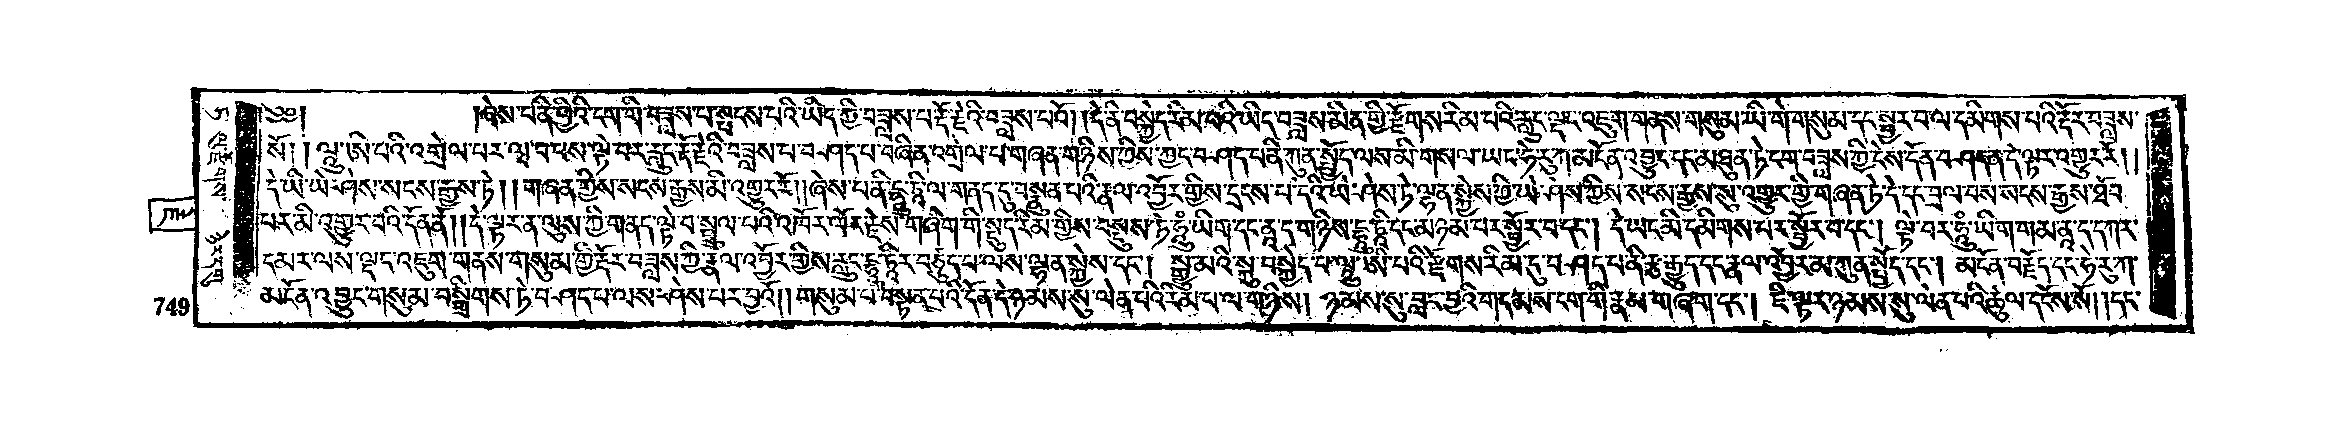༄༅། །ཞེས་པ་ནི་ཕྱིའི་ངག་གི་བཟླས་པ་སྤངས་པའི་ཡིད་ཀྱི་བཟླས་པ་རྡོ་རྗེའི་བཟླས་པའོ། །དེ་ནི་བསྐྱེད་རིམ་པའི་ཡིད་བཟླས་མིན་གྱི་རྫོགས་རིམ་པའི་རླུང་ལྡང་འཇུག་གནས་གསུམ་ཡི་གེ་གསུམ་དང་སྦྱར་བ་ལ་དམིགས་པའི་རྡོར་བཟླས་
སོ། །ལཱུ་ཨི་པའི་འགྲེལ་པར་ལྭ་བ་པས་ལྟེ་བར་རླུང་རྡོ་རྗེའི་བཟླས་པ་བཤད་པ་བཞིན་འགྲེལ་པ་གཞན་གཉིས་ཀྱིས་ཀྱང་བཤད་པ་ནི་ཀུན་སྤྱོད་ལས་མི་གསལ་ཡང་ཧེ་རུ་ཀ་མངོན་འབྱུང་དང་མཐུན་ཏེ་ངག་བཟླས་ཀྱི་ངེས་དོན་བཤད་ན་དེ་ལྟར་འགྱུར་རོ། །
དེ་ཡི་ཡེ་ཤེས་སངས་རྒྱས་ཏེ། །གཞན་གྱིས་སངས་རྒྱས་མི་འགྱུར་རོ། །ཞེས་པ་ནི་དྷཱུ་ཏཱི་ལ་གནད་དུ་བསྣུན་པའི་རྣལ་འབྱོར་གྱིས་དྲངས་པ་དེའི་ཡེ་ཤེས་ཏེ་ལྷན་སྐྱེས་ཀྱི་ཡེ་ཤེས་ཀྱིས་སངས་རྒྱས་སུ་འགྱུར་གྱི་གཞན་ཏེ་དེ་དང་བྲལ་བས་སངས་རྒྱས་ཐོབ་
པར་མི་འགྱུར་བའི་དོན་ནོ། །དེ་ལྟར་ན་ལུས་ཀྱི་གནད་ལྟེ་བ་སྤྲུལ་པའི་འཁོར་ལོར་རྗེས་གཞིག་གི་སྡུད་རིམ་གྱིས་བསྡུས་ཏེ་ཧཱུཾ་ཡིག་དང་ནཱ་ད་གཉིས་དྷཱུ་ཏཱི་དང་མཉམ་པར་སྦྱོར་བ་དང་། དེ་ཡང་མི་དམིགས་པར་སྦྱོར་བ་དང་། ལྟེ་བར་ཧཱུཾ་ཡིག་གམ་ནཱ་ད་དཀར་
དམར་ལས་ལྡང་འཇུག་གནས་གསུམ་གྱི་རྡོར་བཟླས་ཀྱི་རྣལ་འབྱོར་གྱིས་རླུང་དྷཱུ་ཏཱིར་བཙུད་པ་ལས་ལྷན་སྐྱེས་དང་། སྒྱུ་མའི་སྐུ་བསྐྱེད་པ་ལཱུ་ཨི་པའི་རྫོགས་རིམ་དུ་བཤད་པ་ནི་རྩ་རྒྱུད་དང་རྣལ་འབྱོར་མ་ཀུན་སྤྱོད་དང་། མངོན་བརྗོད་དང་ཧེ་རུ་ཀ་
མངོན་འབྱུང་གསུམ་བསྒྲིགས་ཏེ་བཤད་པ་ལས་ཤེས་པར་བྱའོ། །གསུམ་པ་བསྟན་པའི་དོན་དེ་ཉམས་སུ་ལེན་པའི་རིམ་པ་ལ་གཉིས། ཉམས་སུ་བླང་བྱའི་གདམས་ངག་གི་རྣམ་གཞག་དང་། ཇི་ལྟར་ཉམས་སུ་ལེན་པའི་ཚུལ་དངོས་སོ། །དང་